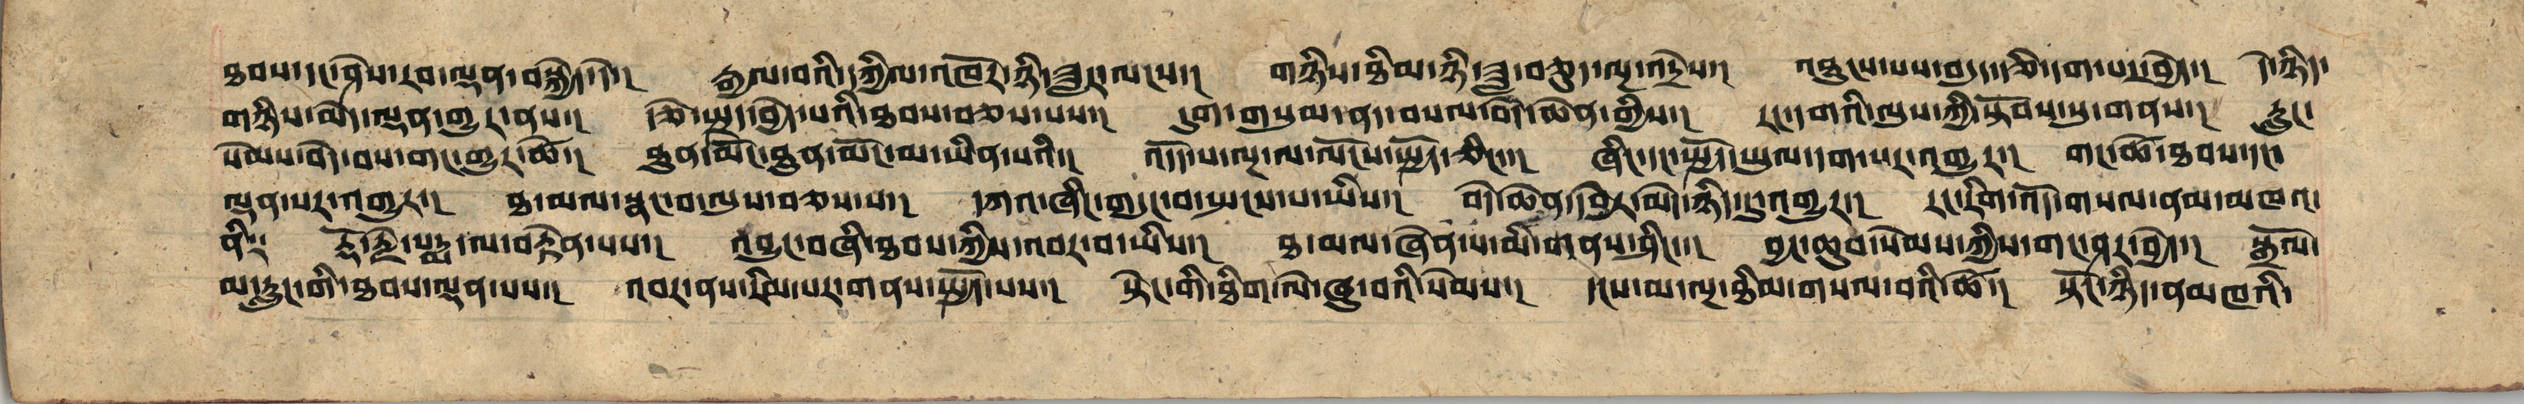ཐབས་དང་ཤེས་རབ་ལྡན་བསྐྱེད་དེ་། རྒྱལ་བའི་དཀྱིལ་འཁོར་ཉི་ཟླར་ལངས་། གཉིས་ཐིམ་ཉི་ཟླ་བཅུད་ལྔ་འདྲེས་། འཐུངས་པས་བདུད་རྩི་དག་པར་བྱེད་། དེ་ཉིད་
གཉིས་མེད་ལྡན་གྱུར་ནས་། རྩེ་སྤྲད་བྱེད་པའི་ཐབས་བཅས་པས་། དུག་གསུམ་ནད་བསལ་བདེ་ཆེན་གྱིས་། རང་དགའི་ལུས་ཀྱི་སྟོབས་སུ་གནས་། རླུང་
སེམས་བདེ་བས་གང་གྱུར་ཚེ་། ཐུན་མོང་ཐུན་མོང་མ་ཡིན་པའི་། འདོད་པ་ལྔ་ལ་ལོངས་སྤྱོད་ཅིང་་། ཞིང་དང་སྤྱོད་ཡུལ་དག་པར་འགྱུར་། གང་ཚེ་ཐབས་དང་
ལྡནཔར་འགྱུར་། ཐ་ལམ་སྣང་བ་ལུས་བཅས་པ་། དཀའ་ཞིང་གདུང་བ་སྤངས་པ་ཡིས་། བདེ་ཆེན་དབྱེར་མེད་ཉིད་དུ་འགྱུར་། རང་རིག་འོད་གསལ་ནམ་མཁའ་
ནི༑ རྡོ་རྗེ་པདྨ་ལ་བརྟེན་པས་། འབྱུང་བཞི་ཐབས་ཀྱིས་འབར་བ་ཡིས་། ཐ་མལ་ཞེན་པ་མི་གནས་ཤིང་་། བྱང་ཆུབ་སེམས་ཀྱིས་གང་ཤར་བྱེད་། སྒྲོལ་
མ་རླུང་གི་ཐབས་ལྡན་པས་། འབར་ནས་རིམ་པར་གནས་སྤྱོད་པས་། སྟེང་གི་ཐིག་ལེ་ཞུ་བའི་སེམས་། དངས་མ་ལྔ་ཐིམ་གསལ་བའི་ཚེ་། སྟོང་ཉིད་ནམཁའི་